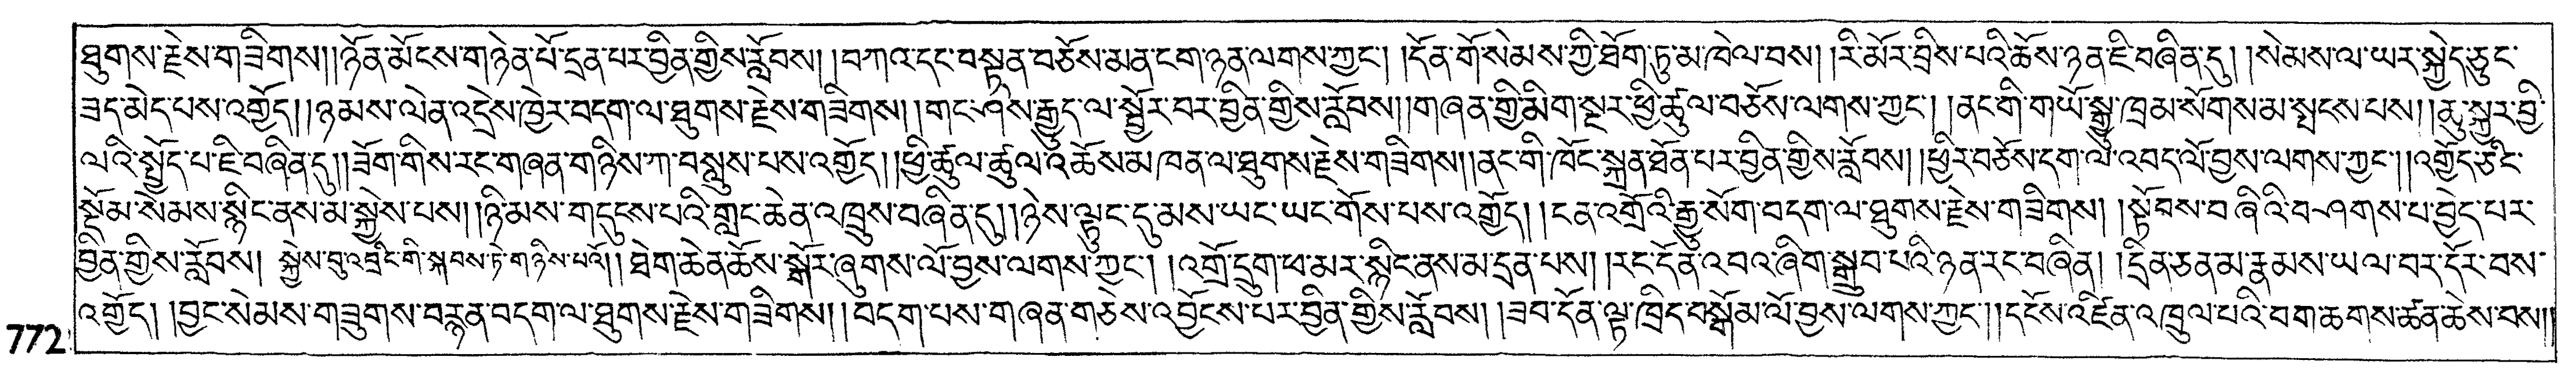ཐུགས་རྗེས་གཟིགས། །ཉོན་མོངས་གཉེན་པོ་དྲན་པར་བྱིན་གྱིས་རློབས། །བཀའ་དང་བསྟན་བཅོས་མན་ངག་ཉན་ལགས་ཀྱང་། །དོན་གོ་སེམས་ཀྱི་ཐོག་ཏུ་མ་ཁེལ་བས། །རི་མོར་བྲིས་པའི་ཆོས་ཉན་ཇི་བཞིན་དུ། །སེམས་ལ་ཡར་སྐྱེད་ཅུང་
ཟད་མེད་པས་འགྱོད། །ཉམས་ལེན་འདྲེས་ཁྱེར་བདག་ལ་ཐུགས་རྗེས་གཟིགས། །གང་ཤེས་རྒྱུད་ལ་སྦྱོར་བར་བྱིན་གྱིས་རློབས། །གཞན་གྱི་མིག་སྔར་ཕྱི་ཚུལ་བཅོས་ལགས་ཀྱང་། །ནང་གི་གཡོ་སྒྱུ་ཁྲམ་སོགས་མ་སྤངས་པས། །ཆུ་སྐྱར་བྱི་
ལའི་སྤྱོད་པ་ཇི་བཞིན་དུ། །ཟོག་གིས་རང་གཞན་གཉིས་ཀ་བསླུས་པས་འགྱོད། །ཕྱི་ཚུལ་ཚུལ་འཆོས་མཁན་ལ་ཐུགས་རྗེས་གཟིགས། །ནང་གི་ཁོང་སྐྲན་ཐོན་པར་བྱིན་གྱིས་རློབས། །ཕྱིར་བཅོས་དག་ལ་འབད་ལོ་བྱས་ལགས་ཀྱང་། །འགྱོད་ཅིང་
སྡོམ་སེམས་སྙིང་ནས་མ་སྐྱེས་པས། །ཉི་མས་གདུངས་པའི་གླང་ཆེན་འཁྲུས་བཞིན་དུ། །ཉེས་ལྟུང་དུ་མས་ཡང་ཡང་གོས་པས་འགྱོད། །ངན་འགྲོའི་རྒྱུ་སོག་བདག་ལ་ཐུགས་རྗེས་གཟིགས། །སྟོབས་བཞིའི་བཤགས་པ་བྱེད་པར་
བྱིན་གྱིས་རློབས། སྐྱེས་བུ་འབྲིང་གི་སྐབས་ཏེ་གཉིས་པའོ།  །ཐེག་ཆེན་ཆོས་སྒོར་ཞུགས་ལོ་བྱས་ལགས་ཀྱང་། །འགྲོ་དྲུག་ཕ་མར་སྙིང་ནས་མ་དྲན་པས། །རང་དོན་འབའ་ཞིག་སྒྲུབ་པའི་ཉན་རང་བཞིན། །དྲིན་ཅན་མ་རྣམས་ཡལ་བར་དོར་བས་
འགྱོད། །བྱང་སེམས་གཟུགས་བརྙན་བདག་ལ་ཐུགས་རྗེས་གཟིགས། །བདག་པས་གཞན་གཅེས་འབྱོངས་པར་བྱིན་གྱིས་རློབས། །ཟབ་དོན་ལྟ་ཁྲིད་བསྒོམ་ལོ་བྱས་ལགས་ཀྱང་། །དངོས་འཛིན་འཁྲུལ་པའི་བག་ཆགས་ཚན་ཆེས་བས། །